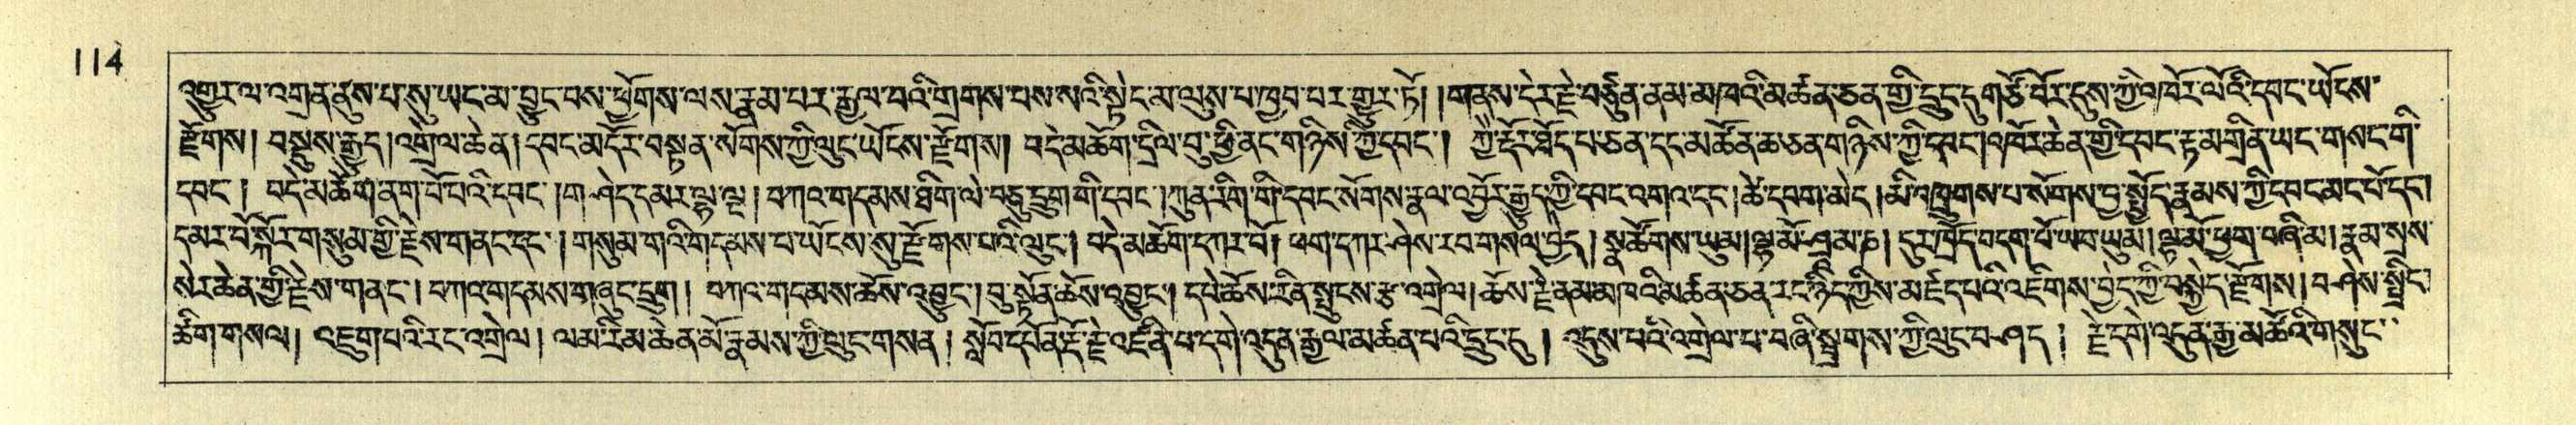འགྱུར་ལ་འགྲན་ནུས་པ་སུ་ཡང་མ་བྱུང་བས་ཕྱོགས་ལས་རྣམ་པར་རྒྱལ་བའི་གྲགས་པས་སའི་སྟེང་མ་ལུས་པ་ཁྱབ་པར་གྱུར་ཏོ། །གནས་དེར་རྗེ་བཙུན་ནམ་མཁའི་མཚན་ཅན་གྱི་དྲུང་དུ་གཙོ་བོར་དུས་ཀྱི་འཁོར་ལོའི་དབང་ཡོངས་
རྫོགས། བསྡུས་རྒྱུད། འགྲེལ་ཆེན། དབང་མདོར་བསྟན་སོགས་ཀྱི་ལུང་ཡོངས་རྫོགས། བདེ་མཆོག་དྲིལ་བུ་ཕྱི་ནང་གཉིས་ཀྱི་དབང་། ཀྱཻ་རྡོར་ཐོད་པ་ཅན་དང་མཚོན་ཆ་ཅན་གཉིས་ཀྱི་དབང་། འཁོར་ཆེན་གྱི་དབང་རྟ་མགྲིན་ཡང་གསང་གི་
དབང་། བདེ་མཆོག་ནག་པོ་པའི་དབང་། གཤེད་དམར་ལྷ་ལྔ། བཀའ་གདམས་ཐིག་ལེ་བཅུ་དྲུག་གི་དབང་། ཀུན་རིག་གི་དབང་སོགས་རྣལ་འབྱོར་རྒྱུད་ཀྱི་དབང་འགའ་དང་། ཚེ་དབག་མེད་།མི་འཁྲུགས་པ་སོགས་བྱ་སྤྱོད་རྣམས་ཀྱི་དབང་མང་པོ་དང་།
དམར་པོ་སྐོར་གསུམ་གྱི་རྗེས་གནང་དང་། གསུམ་གའི་གདམས་པ་ཡོངས་སུ་རྫོགས་པའི་ལུང་། བདེ་མཆོག་དཀར་བོ། ཕག་དཀར་ཤེས་རབ་གསལ་བྱེད། སྣ་ཚོགས་ཡུམ། ལྷ་མོ་ཤྲཱ་མ་ཎ། དུར་ཁྲོད་བདག་པོ་ཡབ་ཡུམ། ལྷ་མོ་ཕྱག་བཞི་མ། རྣམ་སྲས་
སེར་ཆེན་གྱི་རྗེས་གནང་། བཀའ་གདམས་གཞུང་དྲུག། བཀའ་གདམས་ཆོས་འབྱུང་། བུ་སྟོན་ཆོས་འབྱུང་། དཔེ་ཆོས་རིན་སྤུངས་རྩ་འགྲེལ། ཆོས་རྗེ་ནམ་མཁའི་མཚན་ཅན་རང་ཉིད་ཀྱིས་མཛད་པའི་འཇིགས་བྱེད་ཀྱི་བསྐྱེད་རྫོགས། བཤེས་སྤྲིང་།
ཚིག་གསལ། འཇུག་པའི་རང་འགྲེལ། ལམ་རིམ་ཆེན་མོ་རྣམས་ཀྱི་ལུང་གསན། སློབ་དཔོན་རྡོ་རྗེ་འཛིན་པ་དགེ་འདུན་རྒྱལ་མཚན་པའི་དྲུང་དུ། འདུས་པའི་འགྲེལ་པ་བཞི་སྦྲགས་ཀྱི་ལུང་བཤད། རྗེ་དགེ་འདུན་རྒྱ་མཚོའི་གསུང་